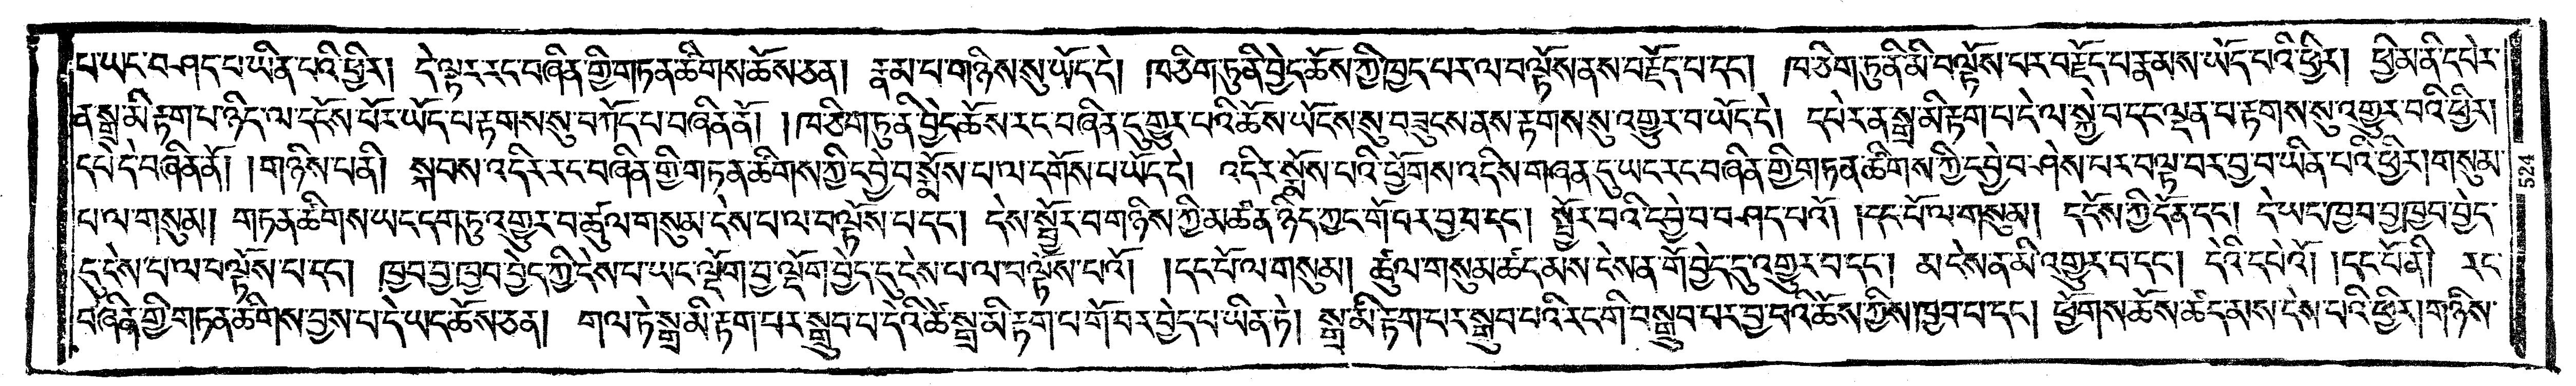པ་ཡང་བཤད་པ་ཡིན་པའི་ཕྱིར། དེ་ལྟར་རང་བཞིན་གྱི་གཏན་ཚིགས་ཆོས་ཅན། རྣམ་པ་གཉིས་སུ་ཡོད་དེ། ཁ་ཅིག་ཏུ་ནི་བྱེད་ཆོས་ཀྱི་ཁྱད་པར་ལ་བལྟོས་ནས་བརྗོད་པ་དང་། ཁ་ཅིག་ཏུ་ནི་མི་བལྟོས་པར་བརྗོད་པ་རྣམས་ཡོད་པའི་ཕྱིར། ཕྱི་མ་ནི་དཔེར་
ན་སྒྲ་མི་རྟག་པ་ཉིད་ལ་དངོས་པོར་ཡོད་པ་རྟགས་སུ་བཀོད་པ་བཞིན་ནོ། །ཁ་ཅིག་ཏུ་ནི་བྱེད་ཆོས་རང་བཞིན་དུ་གྱུར་པའི་ཆོས་ཡོངས་སུ་བཟུངས་ནས་རྟགས་སུ་འགྱུར་བ་ཡོད་དེ། དཔེར་ན་སྒྲ་མི་རྟག་པ་དེ་ལ་སྐྱེ་བ་དང་ལྡན་པ་རྟགས་སུ་འགྱུར་བའི་ཕྱིར།
དཔེ་དེ་བཞིན་ནོ། །གཉིས་པ་ནི། སྐབས་འདིར་རང་བཞིན་གྱི་གཏན་ཚིགས་ཀྱི་དབྱེ་བ་སྨོས་པ་ལ་དགོས་པ་ཡོད་དེ། འདིར་སྨོས་པའི་ཕྱོགས་འདིས་གཞན་དུ་ཡང་རང་བཞིན་གྱི་གཏན་ཚིགས་ཀྱི་དབྱེ་བ་ཤེས་པར་བལྟ་བར་བྱ་བ་ཡིན་པའི་ཕྱིར། གསུམ་
པ་ལ་གསུམ། གཏན་ཚིགས་ཡང་དག་ཏུ་འགྱུར་བ་ཚུལ་གསུམ་ངེས་པ་ལ་བལྟོས་པ་དང་། དེས་སྦྱོར་བ་གཉིས་ཀྱི་མཚན་ཉིད་ཀྱང་གོ་བར་བྱ་བ་དང་། སྦྱོར་བའི་དབྱེ་བ་བཤད་པའོ། །དང་པོ་ལ་གསུམ། དངོས་ཀྱི་དོན་དང་། དེ་ཡང་ཁྱབ་བྱ་ཁྱབ་བྱེད་
དུ་ངེས་པ་ལ་བལྟོས་པ་དང་། ཁྱབ་བྱ་ཁྱབ་བྱེད་ཀྱི་ངེས་པ་ཡང་ལྡོག་བྱ་ལྡོག་བྱེད་དུ་ངེས་པ་ལ་བལྟོས་པའོ། །དང་པོ་ལ་གསུམ། ཚུལ་གསུམ་ཚད་མས་ངེས་ན་གོ་བྱེད་དུ་འགྱུར་བ་དང་། མ་ངེས་ན་མི་འགྱུར་བ་དང་། དེའི་དཔེའོ། །དང་པོ་ནི། རང་
བཞིན་གྱི་གཏན་ཚིགས་བྱས་པ་དེ་ཡང་ཆོས་ཅན། གལ་ཏེ་སྒྲ་མི་རྟག་པར་སྒྲུབ་པ་དེའི་ཚེ་སྒྲ་མི་རྟག་པ་གོ་བར་བྱེད་པ་ཡིན་ཏེ། སྒྲ་མི་རྟག་པར་སྒྲུབ་པའི་རང་གི་བསྒྲུབ་པར་བྱ་བའི་ཆོས་ཀྱིས་ཁྱབ་པ་དང་། ཕྱོགས་ཆོས་ཚད་མས་ངེས་པའི་ཕྱིར། གཉིས་